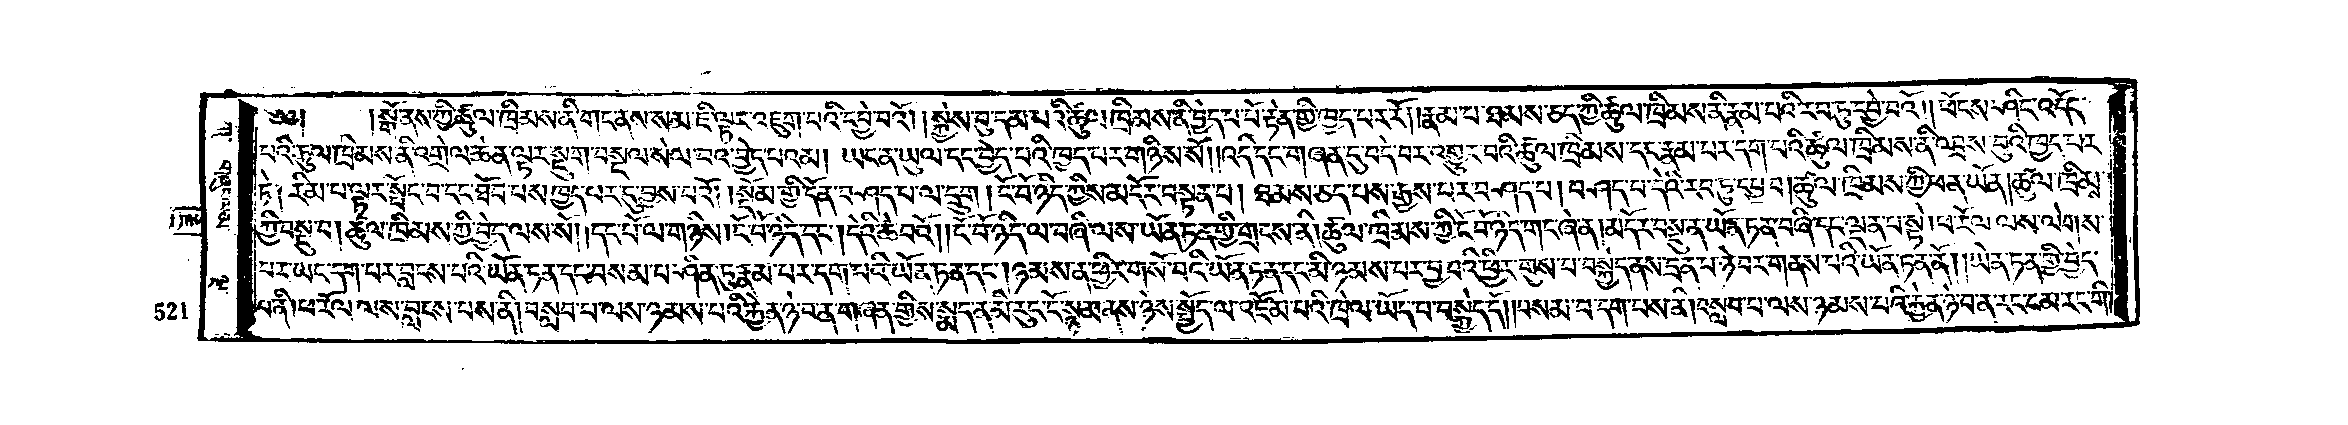༄༅། །སྒོ་ནས་ཀྱི་ཚུལ་ཁྲིམས་ནི་གང་ནས་སམ་ཇི་ལྟར་འཇུག་པའི་དབྱེ་བའོ། །སྐྱེས་བུ་དམ་པའི་ཚུལ་ཁྲིམས་ནི་བྱེད་པ་པོ་རྟེན་གྱི་ཁྱད་པར་རོ། །རྣམ་པ་ཐམས་ཅད་ཀྱི་ཚུལ་ཁྲིམས་ནི་རྣམ་པའི་རབ་ཏུ་དབྱེ་བའོ། །ཕོངས་ཤིང་འདོད་
པའི་ཚུལ་ཁྲིམས་ནི་འགྲེལ་ཆེན་ལྟར་སྡུག་བསྔལ་སེལ་བའི་བྱེད་པའམ། ཡང་ན་ཡུལ་དང་བྱེད་པའི་ཁྱད་པར་གཉིས་སོ། །འདི་དང་གཞན་དུ་བདེ་བར་འགྱུར་བའི་ཚུལ་ཁྲིམས་དང་རྣམ་པར་དག་པའི་ཚུལ་ཁྲིམས་ནི་འབྲས་བུའི་ཁྱད་པར་
ཏེ། རིམ་པ་ལྟར་སྤོང་བ་དང་ཐོབ་པས་ཁྱད་པར་དུ་བྱས་པའོ། །སྡོམ་གྱི་དོན་བཤད་པ་ལ་དྲུག །ངོ་བོ་ཉིད་ཀྱིས་མདོར་བསྟན་པ། ཐམས་ཅད་པས་རྒྱས་པར་བཤད་པ། བཤད་པ་དེའི་རབ་ཏུ་དབྱེ་བ། ཚུལ་ཁྲིམས་ཀྱི་ཕན་ཡོན། ཚུལ་ཁྲིམས་
ཀྱི་བསྡུ་བ། ཚུལ་ཁྲིམས་ཀྱི་བྱེད་ལས་སོ། །དང་པོ་ལ་གཉིས། ངོ་བོ་ཉིད་དང་། དེའི་ཆེ་བའོ། །ངོ་བོ་ཉིད་ལ་བཞི་ལས་ཡོན་ཏན་གྱི་གྲངས་ནི། ཚུལ་ཁྲིམས་ཀྱི་ངོ་བོ་ཉིད་གང་ཞེ་ན། མདོར་བསྡུ་ན་ཡོན་ཏན་བཞི་དང་ལྡན་པ་སྟེ། ཕ་རོལ་ལས་ལེགས་
པར་ཡང་དག་པར་བླངས་པའི་ཡོན་ཏན་དང་བསམ་པ་ཤིན་ཏུ་རྣམ་པར་དག་པའི་ཡོན་ཏན་དང་། ཉམས་ན་ཕྱིར་གསོ་བའི་ཡོན་ཏན་དང་མི་ཉམས་པར་བྱ་བའི་ཕྱིར་གུས་པ་བསྐྱེད་ནས་དྲན་པ་ཉེ་བར་གནས་པའི་ཡོན་ཏན་ནོ། །ཡོན་ཏན་གྱི་བྱེད་
པ་ནི། ཕ་རོལ་ལས་བླངས་པས་ནི། བསླབ་པ་ལས་ཉམས་པའི་རྐྱེན་ཉེ་བ་ན་གཞན་གྱིས་སྨད་ན་མི་རུང་ངོ་སྙམ་ནས་ཉེས་སྤྱོད་ལ་འཛོམ་པའི་ཁྲེལ་ཡོད་པ་བསྐྱེད་དོ། །བསམ་པ་དག་པས་ནི། བསླབ་པ་ལས་ཉམས་པའི་རྐྱེན་ཉེ་བ་ན་རང་ངམ་རང་གི།